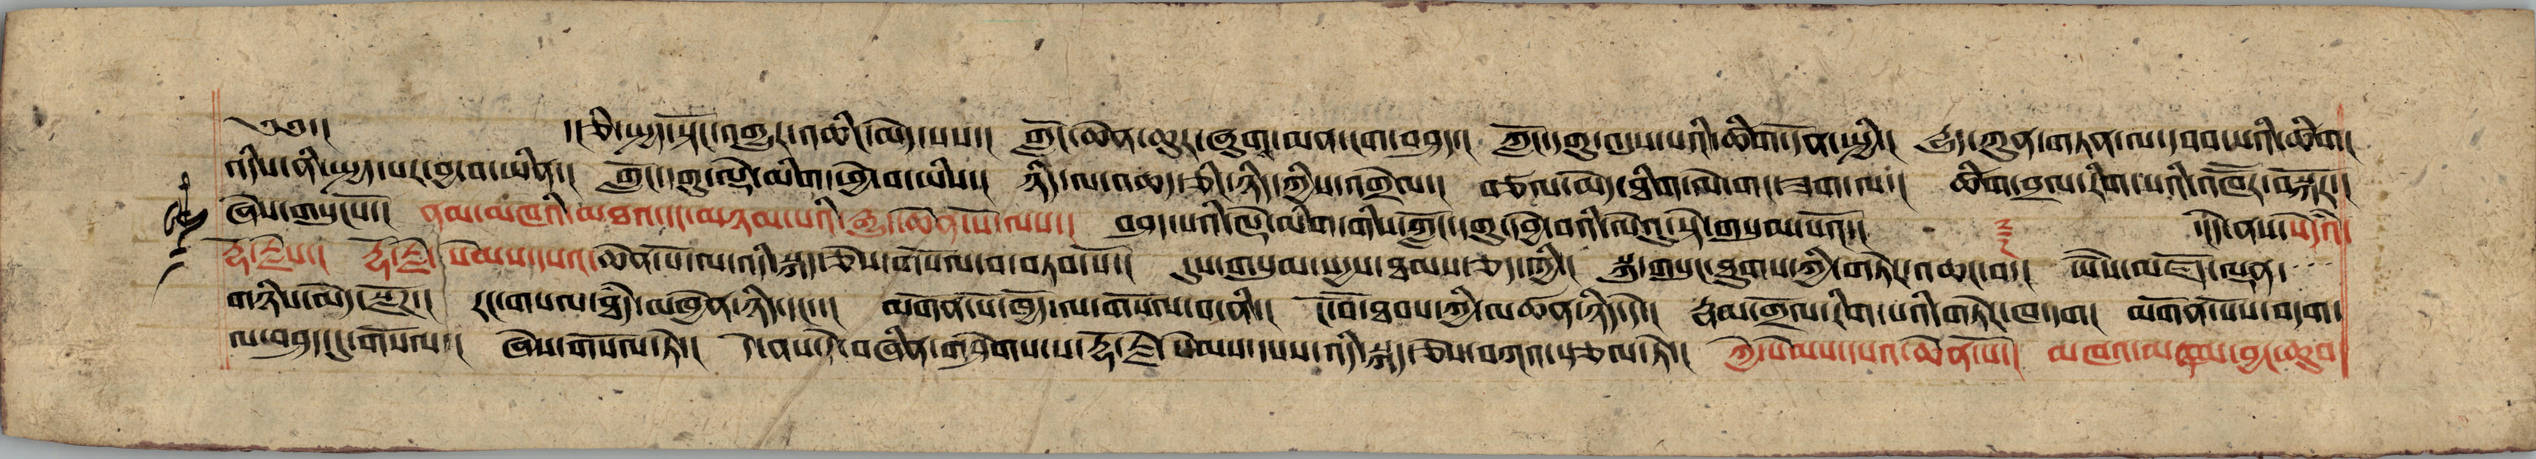༄༅་། ་།ཅི་སྤྱད་སྟོང་འགྱུར་འཆིང་མེད་པས་། ཀློང་ཆེན་ཆུར་ཞུགས་མན་ངག་བཤད་། ཀློང་དགུ་འདུས་པའི་ཚིག་དོན་སྤྱི་། དྱུད་ཀུན་གཏན་ལ་དབབ་པའི་ཚིག།
འདིས་ནི་སྤྱད་པར་བྱ་བ་ཡིན་། གློང་དགུ་ལྡེ་མིག་ཕྱེ་བ་ཡིས་། ཉིད་ལ་འཆད་ཅིང་ཉིད་ཀྱིས་འགྲེལ་། བཙལ་མེད་ཐིག་ལེ་གང་ཟག་ལ་། ཚིག་བྲལ་རིག་པའི་འཁཽར་བསྐོར་།
ཞེས་གསུངསོ་། ནམ་མཁའི་མཐའ་དང་མཉམ་པའི་རྒྱུད་ཆེན་པོ་ལས་། བཤད་པའི་ལྡེ་མིག་གིས་ཀློང་དགུ་དབྱེ་བའི་ལེའུ་སྟེ་གསུམ་པའོ་། ༈ ་།དེ་ནས་སེདའཾ་
རྡོ་རྗེས་། རྡོ་རྗེ་སེམས་དཔའ་ཆེན་པོ་ལ་འདི་སྐད་ཅེས་གསོལ་བ་བཏབ་སོ་། དུས་གསུམ་སདྱས་ཐམས་ཅད་ཀྱི་། སྐུ་གསུང་ཐུགས་ཀྱི་གཏེར་འཆང་བ་། ཡཻས་མཛོད་ལྡན་
གཉིས་མེད་སྫོགས་། རང་གསལ་ཐཾད་མཁྱེན་ཉིད་དང་། མགོན་པོ་ཁྱོད་ལ་གསོལ་བ་ནི་། ངོ་བོ་ཐབས་ཀྱི་མཚན་ཉིད་དེ་། རྣམ་གྲོལ་རིག་པའི་གཏཻར་ཁ་དག། མགོན་པོས་བདག་
ལ་བཤད་དུ་གསོལ་། ཞེས་གསོལ་ཏེ་། དེ་ནས་དེ་བཞིན་གཤེགས་པ་རྡོ་རྗེ་སེམས་དཔས་འདི་སྐད་ཅེས་བཀའ་སྩལ་ཏེ་། ཀྱེ་སེམས་དཔའ་ཆེན་པོ་། མཁའ་མཉམ་བྱང་ཆུབ་